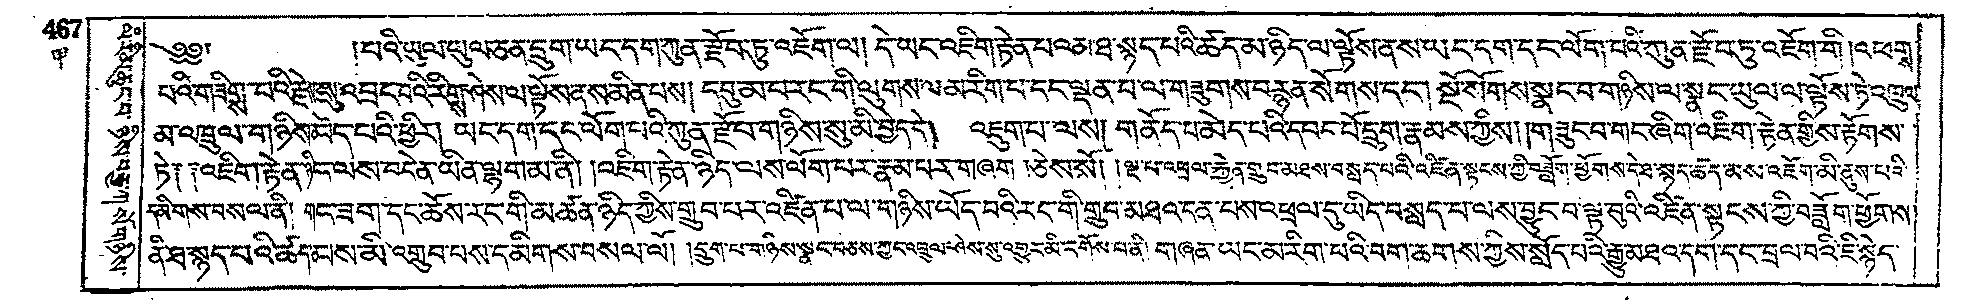༄༅། །པའི་ཡུལ་ཡུལ་ཅན་དྲུག་ཡང་དག་ཀུན་རྫོབ་ཏུ་འཇོག་ལ། དེ་ཡང་འཇིག་རྟེན་པའམ་ཐ་སྙད་པའི་ཚད་མ་ཉིད་ལ་ལྟོས་ནས་ཡང་དག་དང་ལོག་པའི་ཀུན་རྫོབ་ཏུ་འཇོག་གི །འཕགས་
པའི་གཟིགས་པའི་རྗེས་སུ་འབྲང་བའི་རིགས་ཤེས་ལ་ལྟོས་ནས་མིན་པས། དབུ་མ་པ་རང་གི་ལུགས་ལ་མ་རིག་པ་དང་ལྡན་པ་ལ་གཟུགས་བརྙན་སོགས་དང་། སྔོ་སོགས་སྣང་བ་གཉིས་ལ་སྣང་ཡུལ་ལ་ལྟོས་ཏེ་འཁྲུལ་
མ་འཁྲུལ་གཉིས་མེད་པའི་ཕྱིར། ཡང་དག་དང་ལོག་པའི་ཀུན་རྫོབ་གཉིས་སུ་མི་བྱེད་དེ། འཇུག་པ་ལས། གནོད་པ་མེད་པའི་དབང་པོ་དྲུག་རྣམས་ཀྱིས། །གཟུང་བ་གང་ཞིག་འཇིག་རྟེན་གྱིས་རྟོགས་
ཏེ༑ ༑འཇིག་རྟེན་ཉིད་ལས་བདེན་ཡིན་ལྷག་མ་ནི། །འཇིག་རྟེན་ཉིད་ལས་ལོག་པར་རྣམ་པར་གཞག །ཅེས་སོ། །ལྔ་པ་འཕྲལ་རྐྱེན་གྲུབ་མཐས་བསླད་པའི་འཛིན་སྟངས་ཀྱི་བཟློག་ཕྱོགས་དེ་ཐ་སྙད་ཚད་མས་འཇོག་མི་ནུས་པའི་
དམིགས་བསལ་ནི། གང་ཟག་དང་ཆོས་རང་གི་མཚན་ཉིད་ཀྱིས་གྲུབ་པར་འཛིན་པ་ལ་གཉིས་ཡོད་པའི་རང་གི་གྲུབ་མཐའ་ངན་པས་འཕྲལ་དུ་ཡིད་བསླད་པ་ལས་བྱུང་བ་ལྟ་བུའི་འཛིན་སྟངས་ཀྱི་བཟློག་ཕྱོགས་
ནི་ཐ་སྙད་པའི་ཚད་མས་མི་འགྲུབ་པས་དམིགས་བསལ་ལོ། །དྲུག་པ་གཉིས་སྣང་བཅས་ཀྱང་འཁྲུལ་ཤེས་སུ་འགྱུར་མི་དགོས་པ་ནི།  གཞན་ཡང་མ་རིག་པའི་བག་ཆགས་ཀྱིས་སློད་པའི་རྒྱུ་མཐའ་དག་དང་བྲལ་བའི་ཇི་སྙེད་